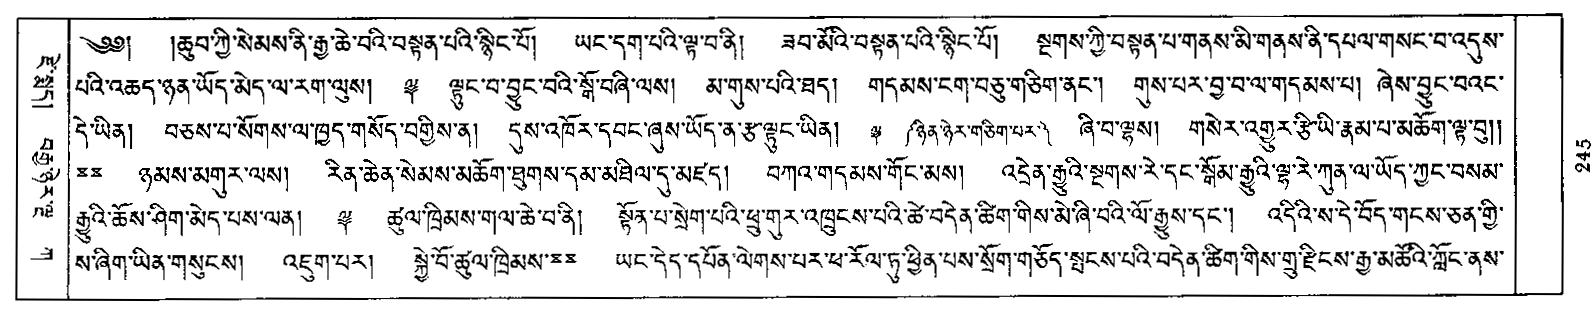༄༅། །ཆུབ་ཀྱི་སེམས་ནི་རྒྱ་ཆེ་བའི་བསྟན་པའི་སྙིང་པོ། ཡང་དག་པའི་ལྟ་བ་ནི། ཟབ་མོའི་བསྟན་པའི་སྙིང་པོ། སྔགས་ཀྱི་བསྟན་པ་གནས་མི་གནས་ནི་དཔལ་གསང་བ་འདུས་
པའི་འཆད་ཉན་ཡོད་མེད་ལ་རག་ལུས། ༈ ལྟུང་བ་བྱུང་བའི་སྒོ་བཞི་ལས། མ་གུས་པའི་ཐད། གདམས་ངག་བཅུ་གཅིག་ནང་། གུས་པར་བྱ་བ་ལ་གདམས་པ། ཞེས་བྱུང་བའང་
དེ་ཡིན། བཅས་པ་སོགས་ལ་ཁྱད་གསོད་བགྱིས་ན། དུས་འཁོར་དབང་ཞུས་ཡོད་ན་རྩ་ལྟུང་ཡིན། ༈ ཉིན་ཉེར་གཅིག་པར྄་ཞི་བ་ལྷས། གསེར་འགྱུར་རྩི་ཡི་རྣམ་པ་མཆོག་ལྟ་བུ།།
྾྾་ཉམས་མགུར་ལས། རིན་ཆེན་སེམས་མཆོག་ཐུགས་དམ་མཐིལ་དུ་མཛད། བཀའ་གདམས་གོང་མས། འདྲེན་རྒྱུའི་སྔགས་རེ་དང་སྒོམ་རྒྱུའི་ལྷ་རེ་ཀུན་ལ་ཡོད་ཀྱང་བསམ་
རྒྱུའི་ཆོས་ཤིག་མེད་པས་ལན། ༈ ཚུལ་ཁྲིམས་གལ་ཆེ་བ་ནི། སྟོན་པ་སྲེག་པའི་ཕྲུ་གུར་འཁྲུངས་པའི་ཚེ་བདེན་ཚིག་གིས་མེ་ཞི་བའི་ལོ་རྒྱུས་དང་། འདིའི་ས་དེ་བོད་གངས་ཅན་གྱི་
ས་ཞིག་ཡིན་གསུངས། འཇུག་པར། སྐྱེ་བོ་ཚུལ་ཁྲིམས་྾྾་ཡང་དེད་དཔོན་ལེགས་པར་ཕ་རོལ་ཏུ་ཕྱིན་པས་སྲོག་གཅོད་སྤངས་པའི་བདེན་ཚིག་གིས་གྲུ་རྫིངས་རྒྱ་མཚོའི་ཀློང་ནས་